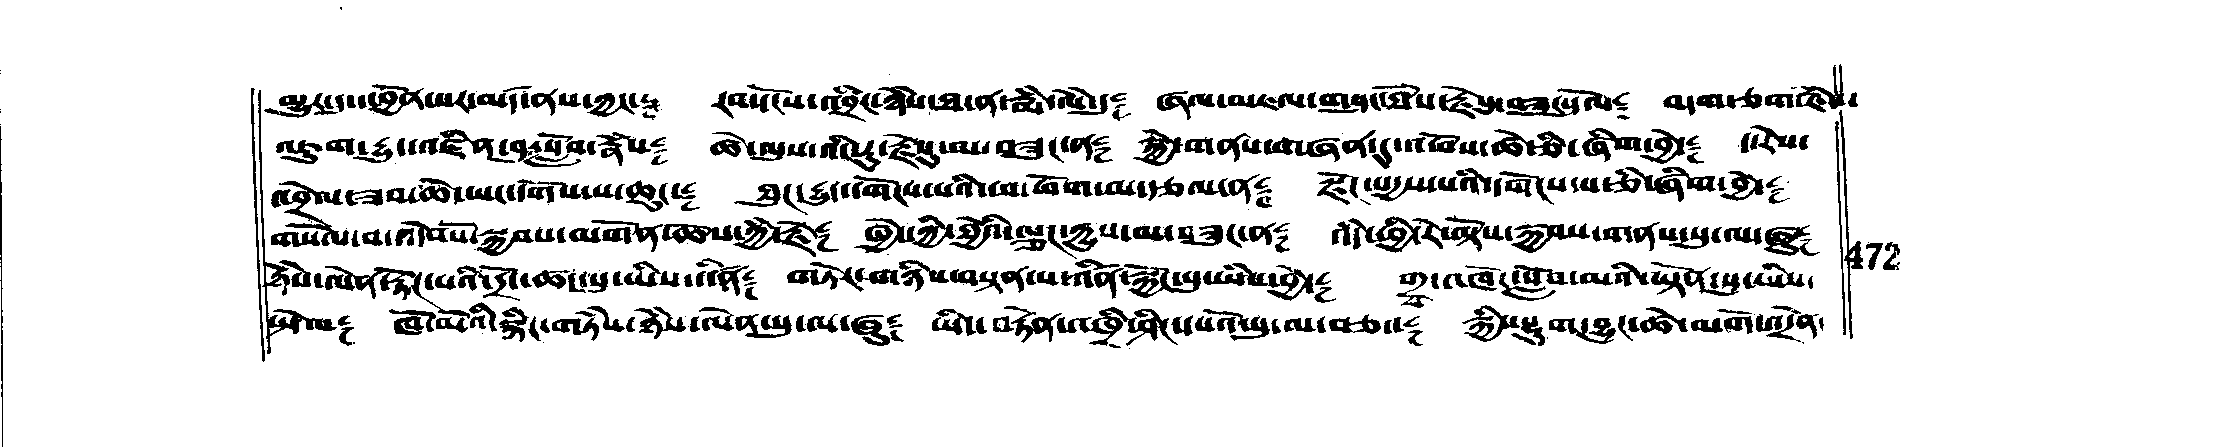མྱུར་དུ་འབྱོན་པར་མཛད་ནས་ཀྱང་། །རབ་དངོས་འབྲིང་ཉམས་ཐ་ན་རྨི་ལམ་དུ། །ཞལ་མཇལ་གསུང་ཐོས་རྗེས་སུ་བཟུང་དུ་གསོལ། །བདག་ཅག་རྗེས་
འཇུག་རྒྱུད་འཛིན་བུ་སློབ་རྣམས། །ཚེ་ལུས་འདི་རུ་རྗེས་སུ་མ་བཟུང་ན། །སྐྱེ་གནས་གཞན་དུ་འཕོས་ཚེ་ཅི་ཞིག་བྱེད། །ད་རེས་
འབྲེལ་ཟབ་ཆེ་ཡང་དགོས་པ་ཆུང་། །ཐུགས་རྒྱུད་དགོངས་པའི་ཕ་ཕོག་མ་བསྩལ་ན། །རྫོགས་སངས་རྒྱས་པའི་དགོངས་པ་ཅི་ཞིག་བྱེད། །
གསོལ་བ་འདེབས་སོ་སྐྱབས་མགོན་ཆོས་ཀྱི་རྗེ། ཁྱེད་ཀྱི་ཐུགས་རྗེའི་ལྕགས་ཀྱུས་མ་བཟུང་ན། །འདི་ཕྱི་རེ་ལྟོས་སྐྱབས་གནས་སུ་ལ་ཞུ། །
ཉམས་ལེན་རྟོགས་པའི་དྲོད་ཚད་སུ་ཡིས་འཛིན། །གཏེར་གཉིས་བསྟན་པ་འཛིན་སྐྱོང་སུ་ཡིས་བྱེད། །གྲྭ་འཁོར་སློབ་མའི་ཡོན་ཏན་སུ་ཡིས་
སྤེལ། ཁོ་མོའི་སྙིང་གཏམ་ཉམས་ལེན་སུ་ལ་ཞུ། །ཡིད་བརྟེན་འཁྲི་ཤིང་དཔའ་བོ་སུ་ལ་བཅའ། །སྐྱིད་སྡུག་བྱུང་ཚེ་མགོ་འདྲེན་